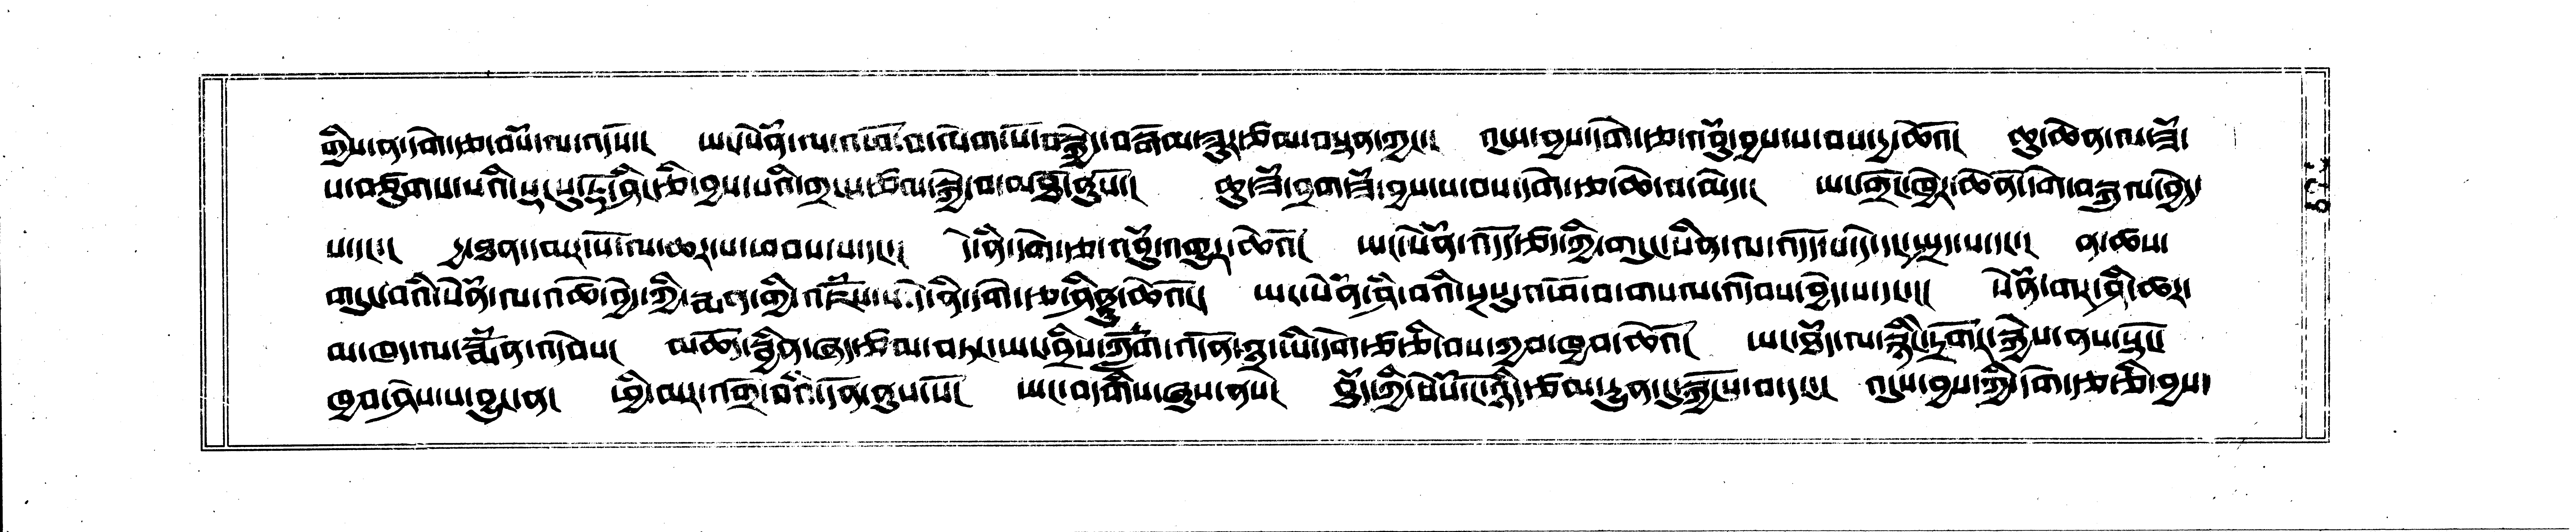དེ་ནི་དགེ་རྩ་བསམ་ལ་འདས་སོ།། ཡང་སེམས་ཅན་ལ་འཕོ་བ་ལས་སོགས་ཀྱིས་བསྐྱེད་བསྒོམ་ཟུར་ཙམ་བསྟན་པ་ཡང་། འདུས་བྱས་ཀྱིས་དགེ་རྩ་འབུམ་ཕྲག་བེས་རྒྱ་ཆེའོ། ཆུ་ཆེན་པོ་ལ་ཟམ་
པ་བཙུག་པ་དེའི་སྡོང་དུ་རྡོ་ཤིང་ཅི་བཏང་པའི་གྲངས་ཀྱི་སྐྱེ་བ་མཐོ་ནུས། དེ་བས་ཆུ་ཆེན་ལ་ཟམ་པ་དང་ལམ་བྱེད་པ་དེ་བས་དགེ་རྩ་ཆེ་‘‘བ”མེད་དོ། གྲོང་ཁྱེར་ཆེན་པོའི་དགེ་བསྐུར་བྱེད་
པ་དེ་དགེ་ཆེའོ། ཡང་རྒྱ་ཐན་དམར་པོ་ལ་ཆར་པ་དྷེབས་(འདེབས)པ་ དེ་ནི་དགེ་རྩ་འབུམ་འགྱུར་ཡོད། ཡང་སེམས་ཅན་འདོད་སྲེད་ཀྱིས་གདུང་ལ་འདོད་པ་དེ་དང་སྤྲོད་ན་དགེ་ཆེའོ། ཡང་སེམས་ཅན་ན་ཚས་
གདུང་ཟིན་ལ། འཚོ་བྱེད་སྨན་གྱིས་འཇོམས་པ་དེ་ནི་དགེ་ཆེའོ། ཡང་སེམས་ཅན་འཆི་བའི་སྔས་སུ་གསོལ་དྷེབས་(འདེབས)་བྱེད་པ་ཤི་འཕོ་འདེབས་པ་དེ་ནི་ཡོན་ཏན་བསམ་ལས་འདས། ཡང་སེམས་ཅན་ཤི་བ་ཚོར་
མ་ཁད་ལ་སྨོན་ལམ་བཟང་པོ་དྷེབས་(འདེབས)པ་ཡང་། ཤི་དུས་མཆོད་སྦྱིན་ཞེད་ཙམ་བཏང་པ་དང་། བྲིས་ཀློགས་འདོན་གསུམ་བེས་དགེ་རྩ་ཆེའོ།། ཡང་ཐམས་ཅད་ལ་སྙིང་རྗེ་དྲག་པོ་སྐྱེས་ནས་གདོང
་ཆབ་བྱུང་ན་ ཕྱི་མར་འགྲོ་དོན་ནུས་གསུངས། ཡང་བདག་གི་ཞུས་པ། ཐམས་ཅད་ཀྱིས་སེམས་ངོ་གཟིགས་ཞིང་སྐྱོངས་ཙམ་རྒྱུན་དུ་སྐྱོངས་པ་དང་། འདུས་བྱས་ཀྱིས་དགེ་རྩ་ཅི་